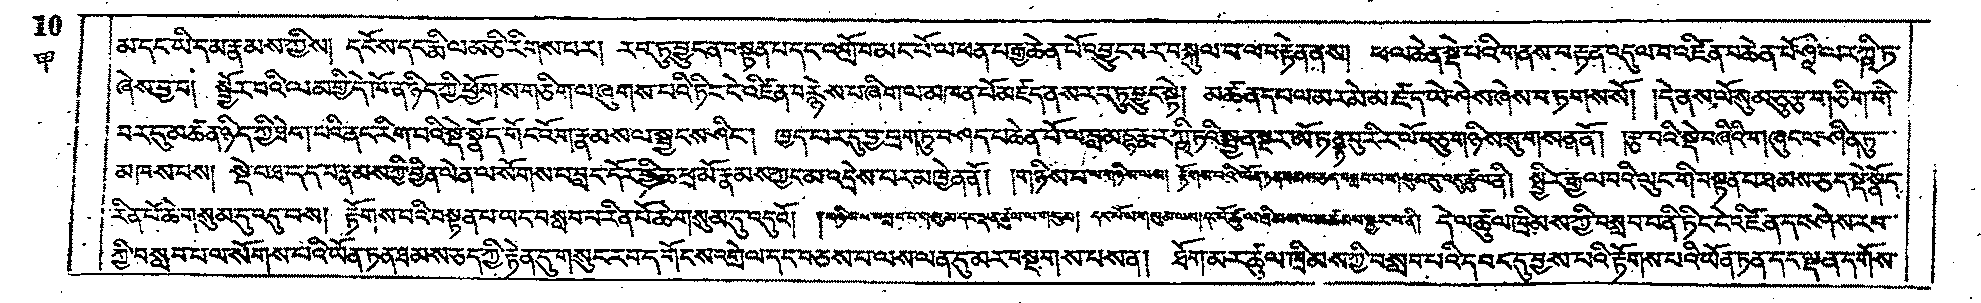མ་དང་ཡི་དམ་རྣམས་ཀྱིས། དངོས་དང་རྨི་ལམ་ཅི་རིགས་པར། རབ་ཏུ་བྱུང་ན་བསྟན་པ་དང་འགྲོ་བ་མང་པོ་ལ་ཕན་པ་རྒྱ་ཆེན་པོ་འབྱུང་བར་བསྐུལ་བ་ལ་བརྟེན་ནས། ཕལ་ཆེན་སྡེ་པའི་གནས་བརྟན་འདུལ་བ་འཛིན་པ་ཆེན་པོ་ཤཱི་ལ་རཀྵི་ཏ་
ཞེས་བྱ་བ། སྦྱོར་བའི་ལམ་གྱི་དེ་ཁོ་ན་ཉིད་ཀྱི་ཕྱོགས་གཅིག་ལ་ཞུགས་པའི་ཏིང་ངེ་འཛིན་བརྙེས་པ་ཞིག་ལ་མཁན་པོ་མཛད་ནས་རབ་ཏུ་བྱུང་སྟེ། མཚན་དཔལ་མར་མེ་མཛད་ཡེ་ཤེས་ཞེས་བཏགས་སོ། །དེ་ནས་ལོ་སུམ་ཅུ་རྩ་གཅིག་གི་
བར་དུ་མཚན་ཉིད་ཀྱི་ཐེག་པའི་ནང་རིག་པའི་སྡེ་སྣོད་གོང་འོག་རྣམས་ལ་སྦྱངས་ཤིང་། ཁྱད་པར་དུ་བྱ་བྲག་ཏུ་བཤད་པ་ཆེན་པོ་ལ་བླ་མ་དྷརྨ་རཀྵི་ཏའི་སྤྱན་སྔར་ཨོ་ཏནྟ་པུ་རིར་ལོ་བཅུ་གཉིས་སུ་གསན་ནོ། །རྩ་བའི་སྡེ་བཞིའི་གཞུང་ལ་ཤིན་ཏུ་
མཁས་པས། སྡེ་པ་ཐ་དད་པ་རྣམས་ཀྱི་བྱིན་ལེན་ལ་སོགས་པ་བླང་དོར་གྱི་ཆ་ཕྲ་མོ་རྣམས་ཀྱང་མ་འདྲེས་པར་མཁྱེན་ནོ། །གཉིས་པ་ལ་གཉིས་ལས། རྟོགས་པའི་ཡོན་ཏན་ཐམས་ཅད་བསླབ་པ་གསུམ་དུ་འདུ་ཚུལ་ནི།  སྤྱིར་རྒྱལ་བའི་ལུང་གི་བསྟན་པ་ཐམས་ཅད་སྡེ་སྣོད་
རིན་པོ་ཆེ་གསུམ་དུ་འདུ་བས། རྟོགས་པའི་བསྟན་པ་ཡང་བསླབ་པ་རིན་པོ་ཆེ་གསུམ་དུ་འདུའོ། །གཉིས་པ་བསླབ་པ་གསུམ་དང་ལྡན་ཚུལ་ལ་གསུམ། དང་པོ་ལ་གསུམ་ལས། དང་པོ་ཚུལ་ཁྲིམས་ལ་མཚམས་སྦྱར་བ་ནི།  དེ་ལ་ཚུལ་ཁྲིམས་ཀྱི་བསླབ་པ་ནི་ཏིང་ངེ་འཛིན་དང་ཤེས་རབ་
ཀྱི་བསླབ་པ་ལ་སོགས་པའི་ཡོན་ཏན་ཐམས་ཅད་ཀྱི་རྟེན་དུ་གསུང་རབ་དགོངས་འགྲེལ་དང་བཅས་པ་ལས་ལན་དུ་མར་བསྔགས་པས་ན། ཐོག་མར་ཚུལ་ཁྲིམས་ཀྱི་བསླབ་པའི་དབང་དུ་བྱས་པའི་རྟོགས་པའི་ཡོན་ཏན་དང་ལྡན་དགོས་